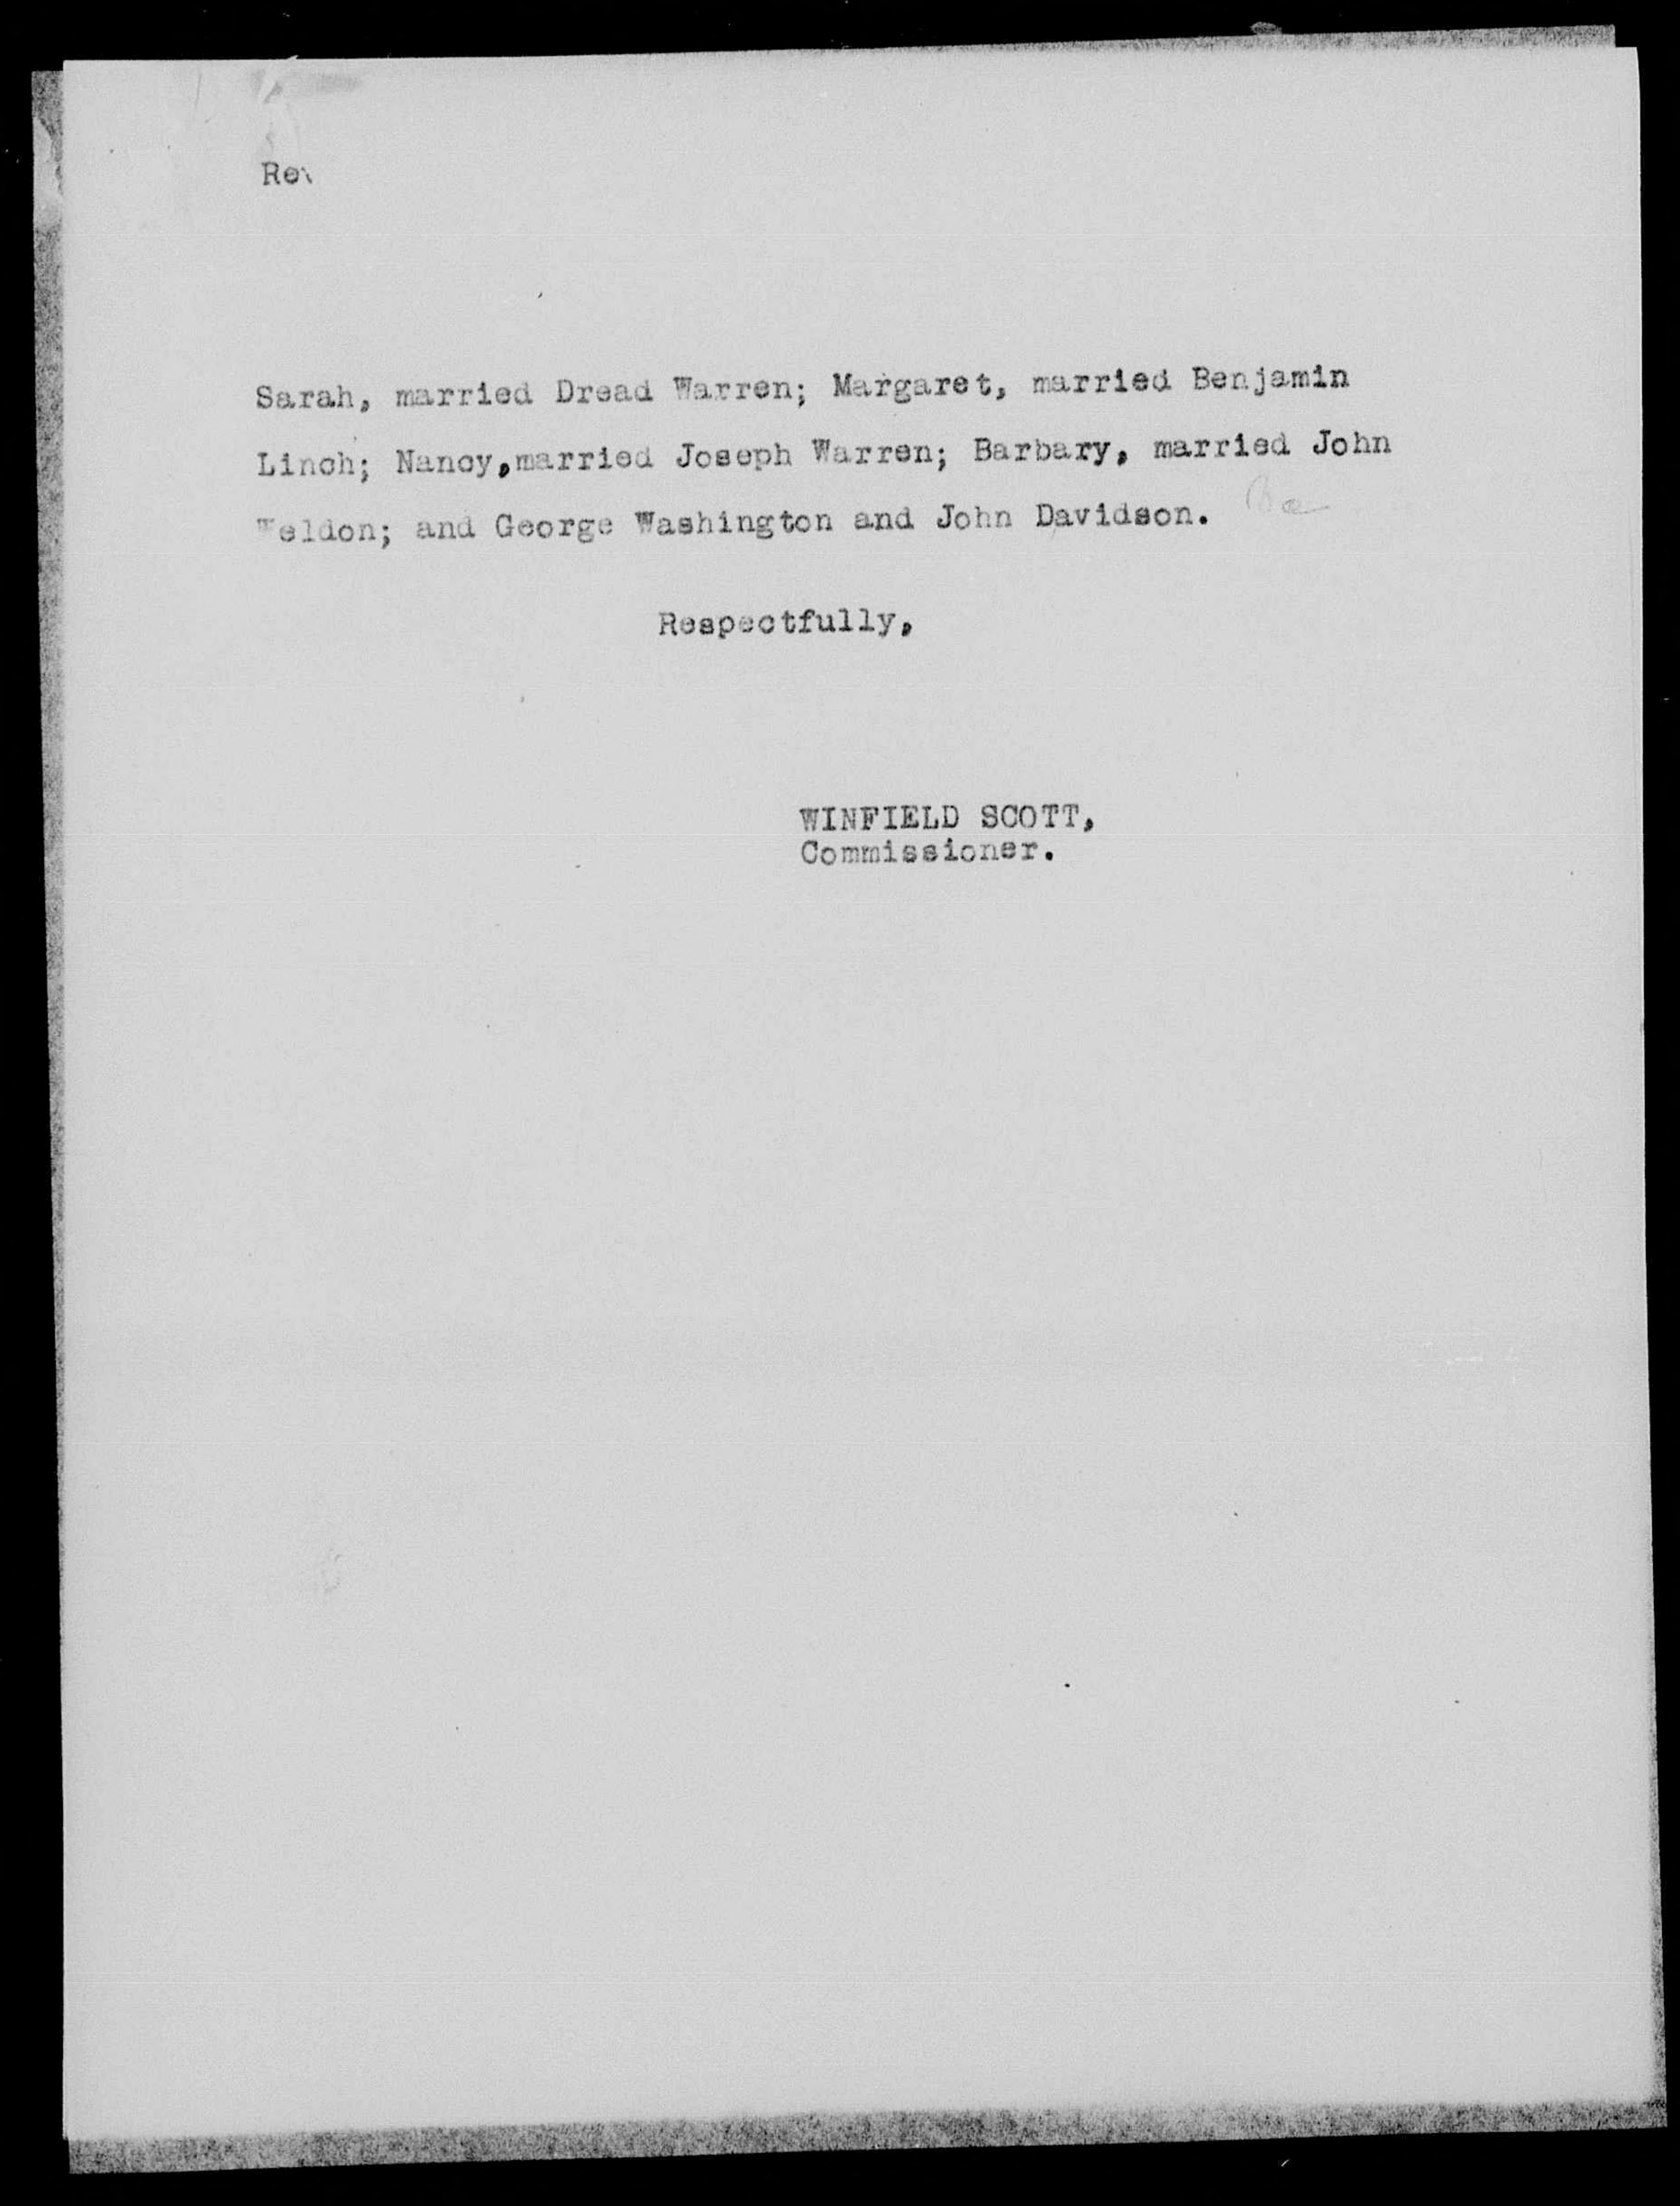Revolution
Sarah, married Dread Warren; Margaret, married Benjamin Linch; Nancy, married Joseph Warren; Barbary, married John Weldon; and George Washington and John Davidson.

Respectfully,
WINFIELD SCOTT,
Commissioner.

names: George Washington, Dread Warren, Winfield Scott, Joseph Warren, Barbary, Nancy, John Weldon, Margaret, Sarah, Benjamin Linch, John Davidson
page: 61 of 63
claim: widow's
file: W. 4175, Joseph Davidson, N.C.